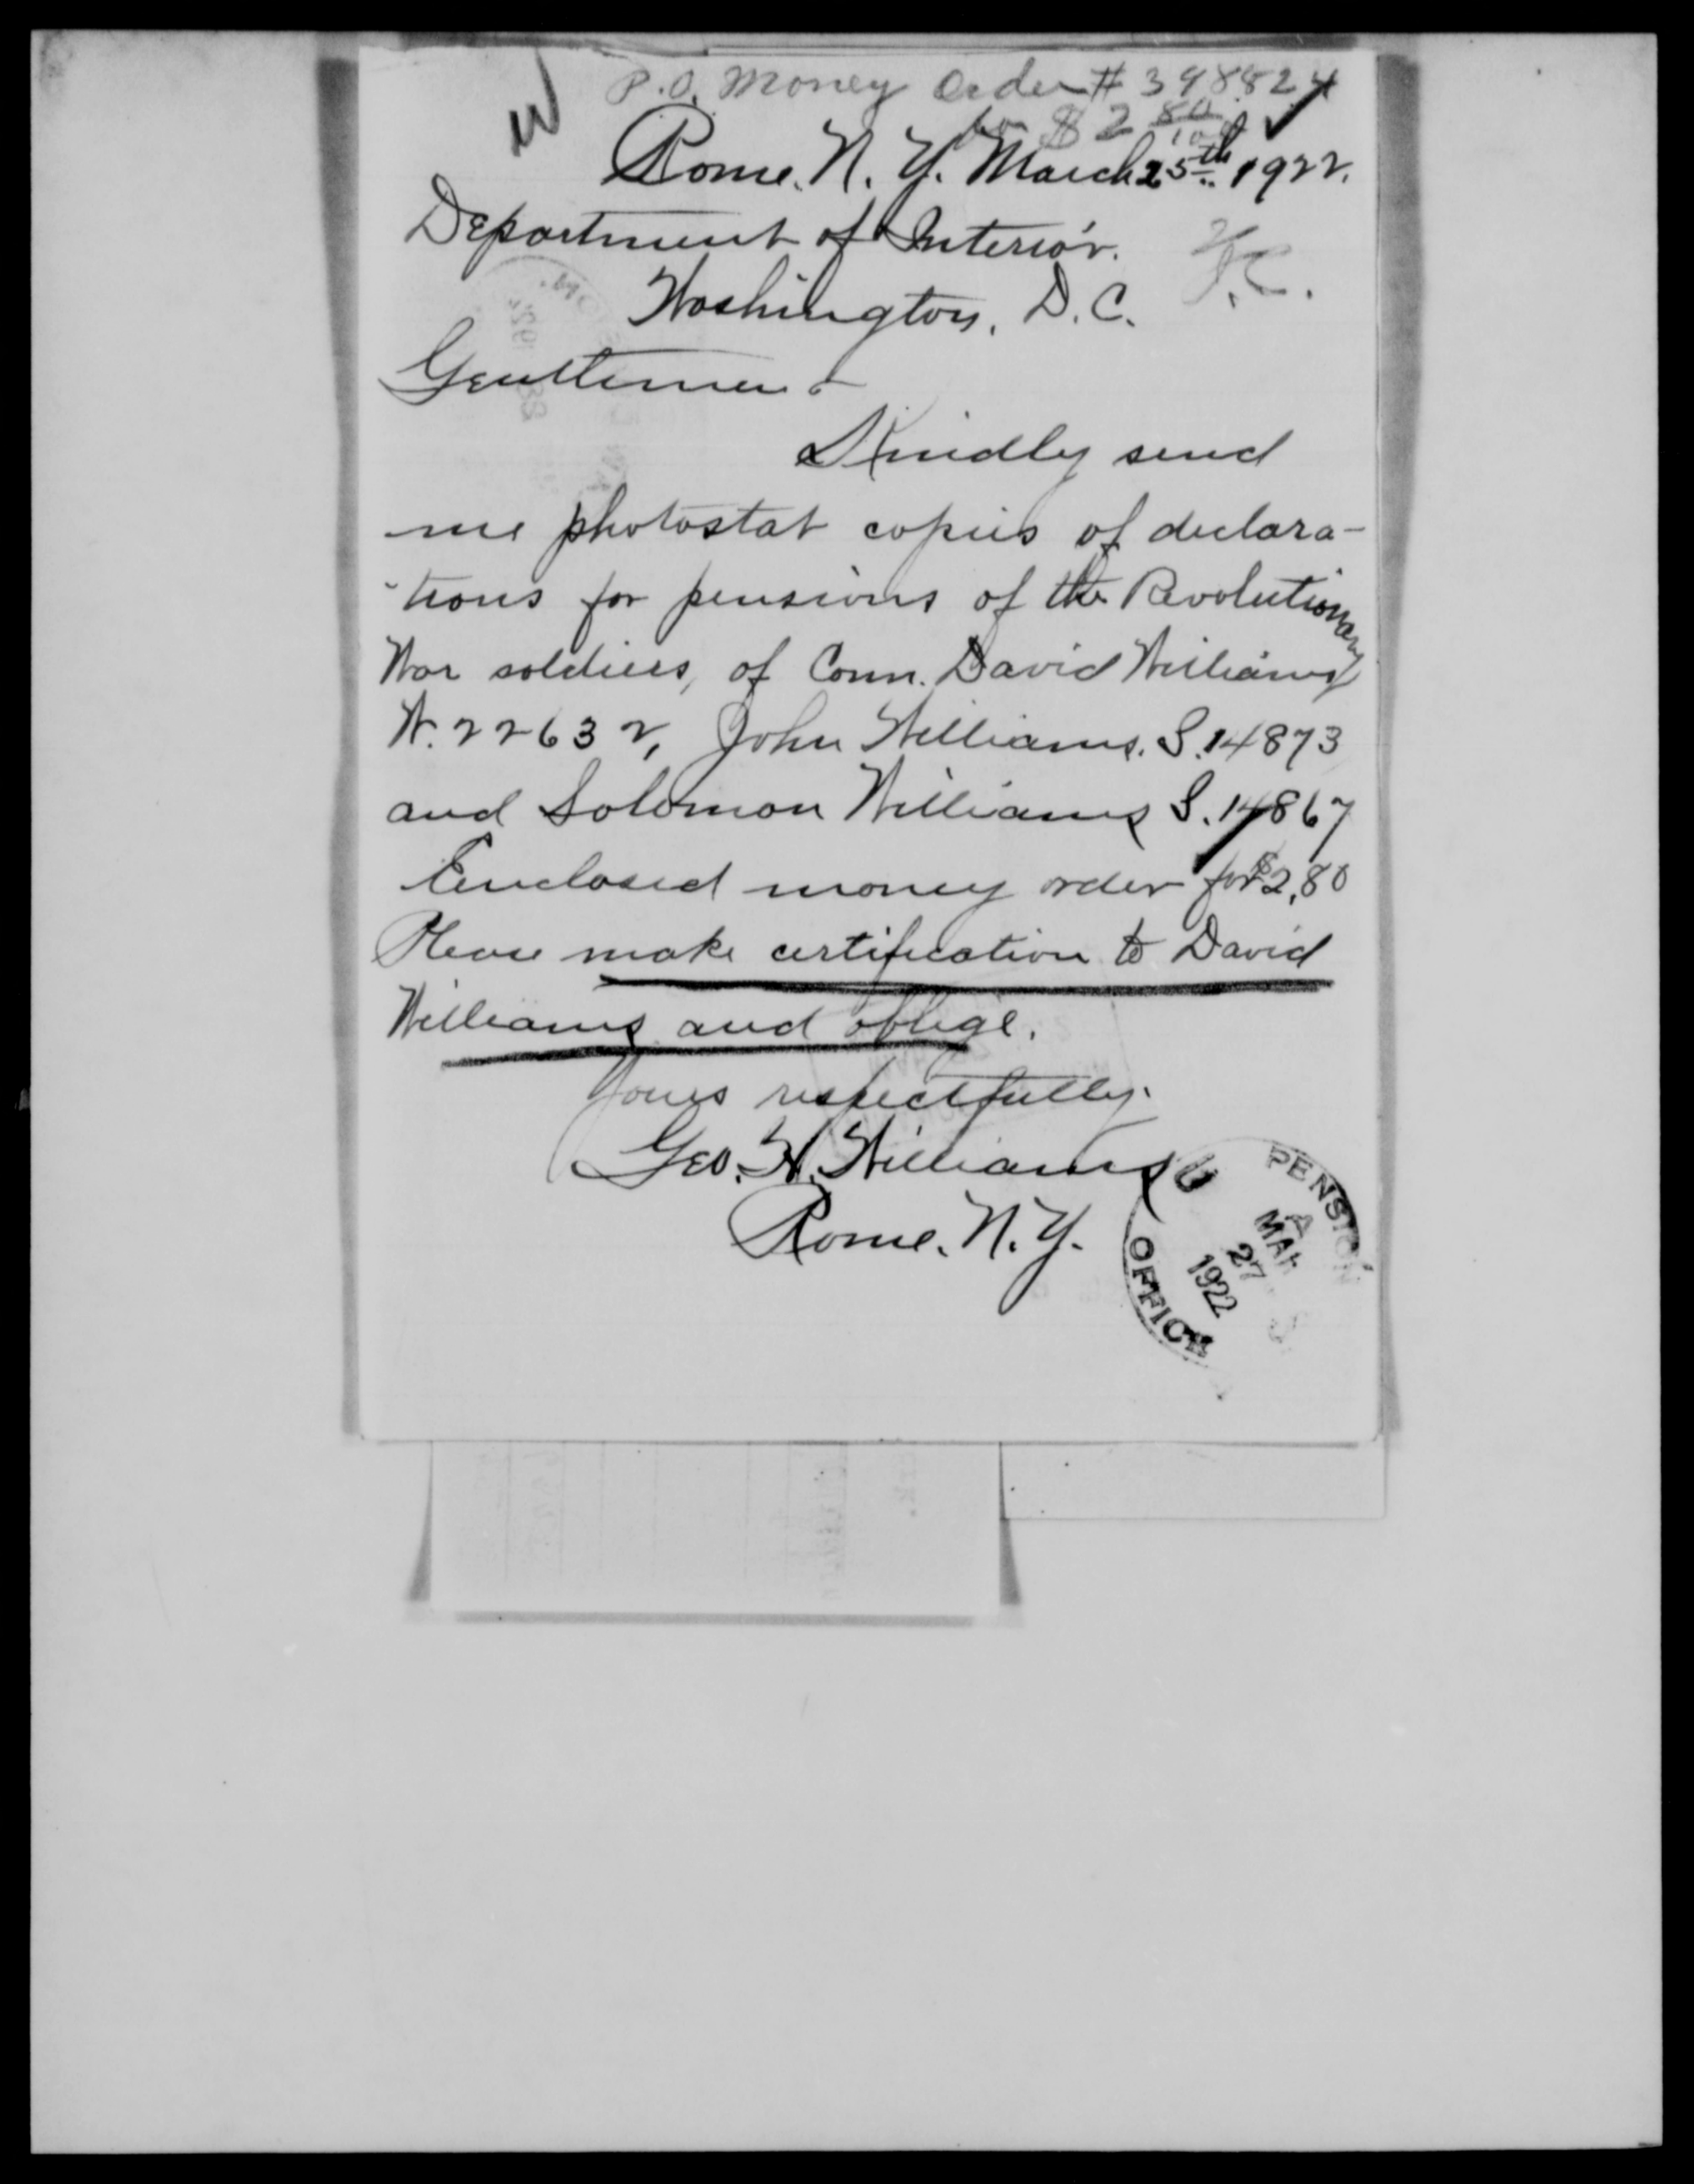W  P. O. Money Order #398824 for $2 80/100
Rome N. Y. March 25th 1922
Department of Interior
Washington, D. C.,   J. C.

Gentlemen
Kindly send me photostat copies of declarations for pensions of the Revolutionary War soldiers of Conn. David Williams W 22632, John Williams S 14873 and Solomon Williams S 14873.
Enclosed money order for $2.80. Please make certification to David Williams and oblige
Yours respectfully 
Geo. H. Williams
Rome, N. Y.

(stamp): Pension Ofice
A Mar 27 1922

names: David Williams, P O Money, Geo H Williams, Solomon Williams, John Williams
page: 55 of 63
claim: widow's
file: W. 22,632, David Williams, Conn. Continental Privateer